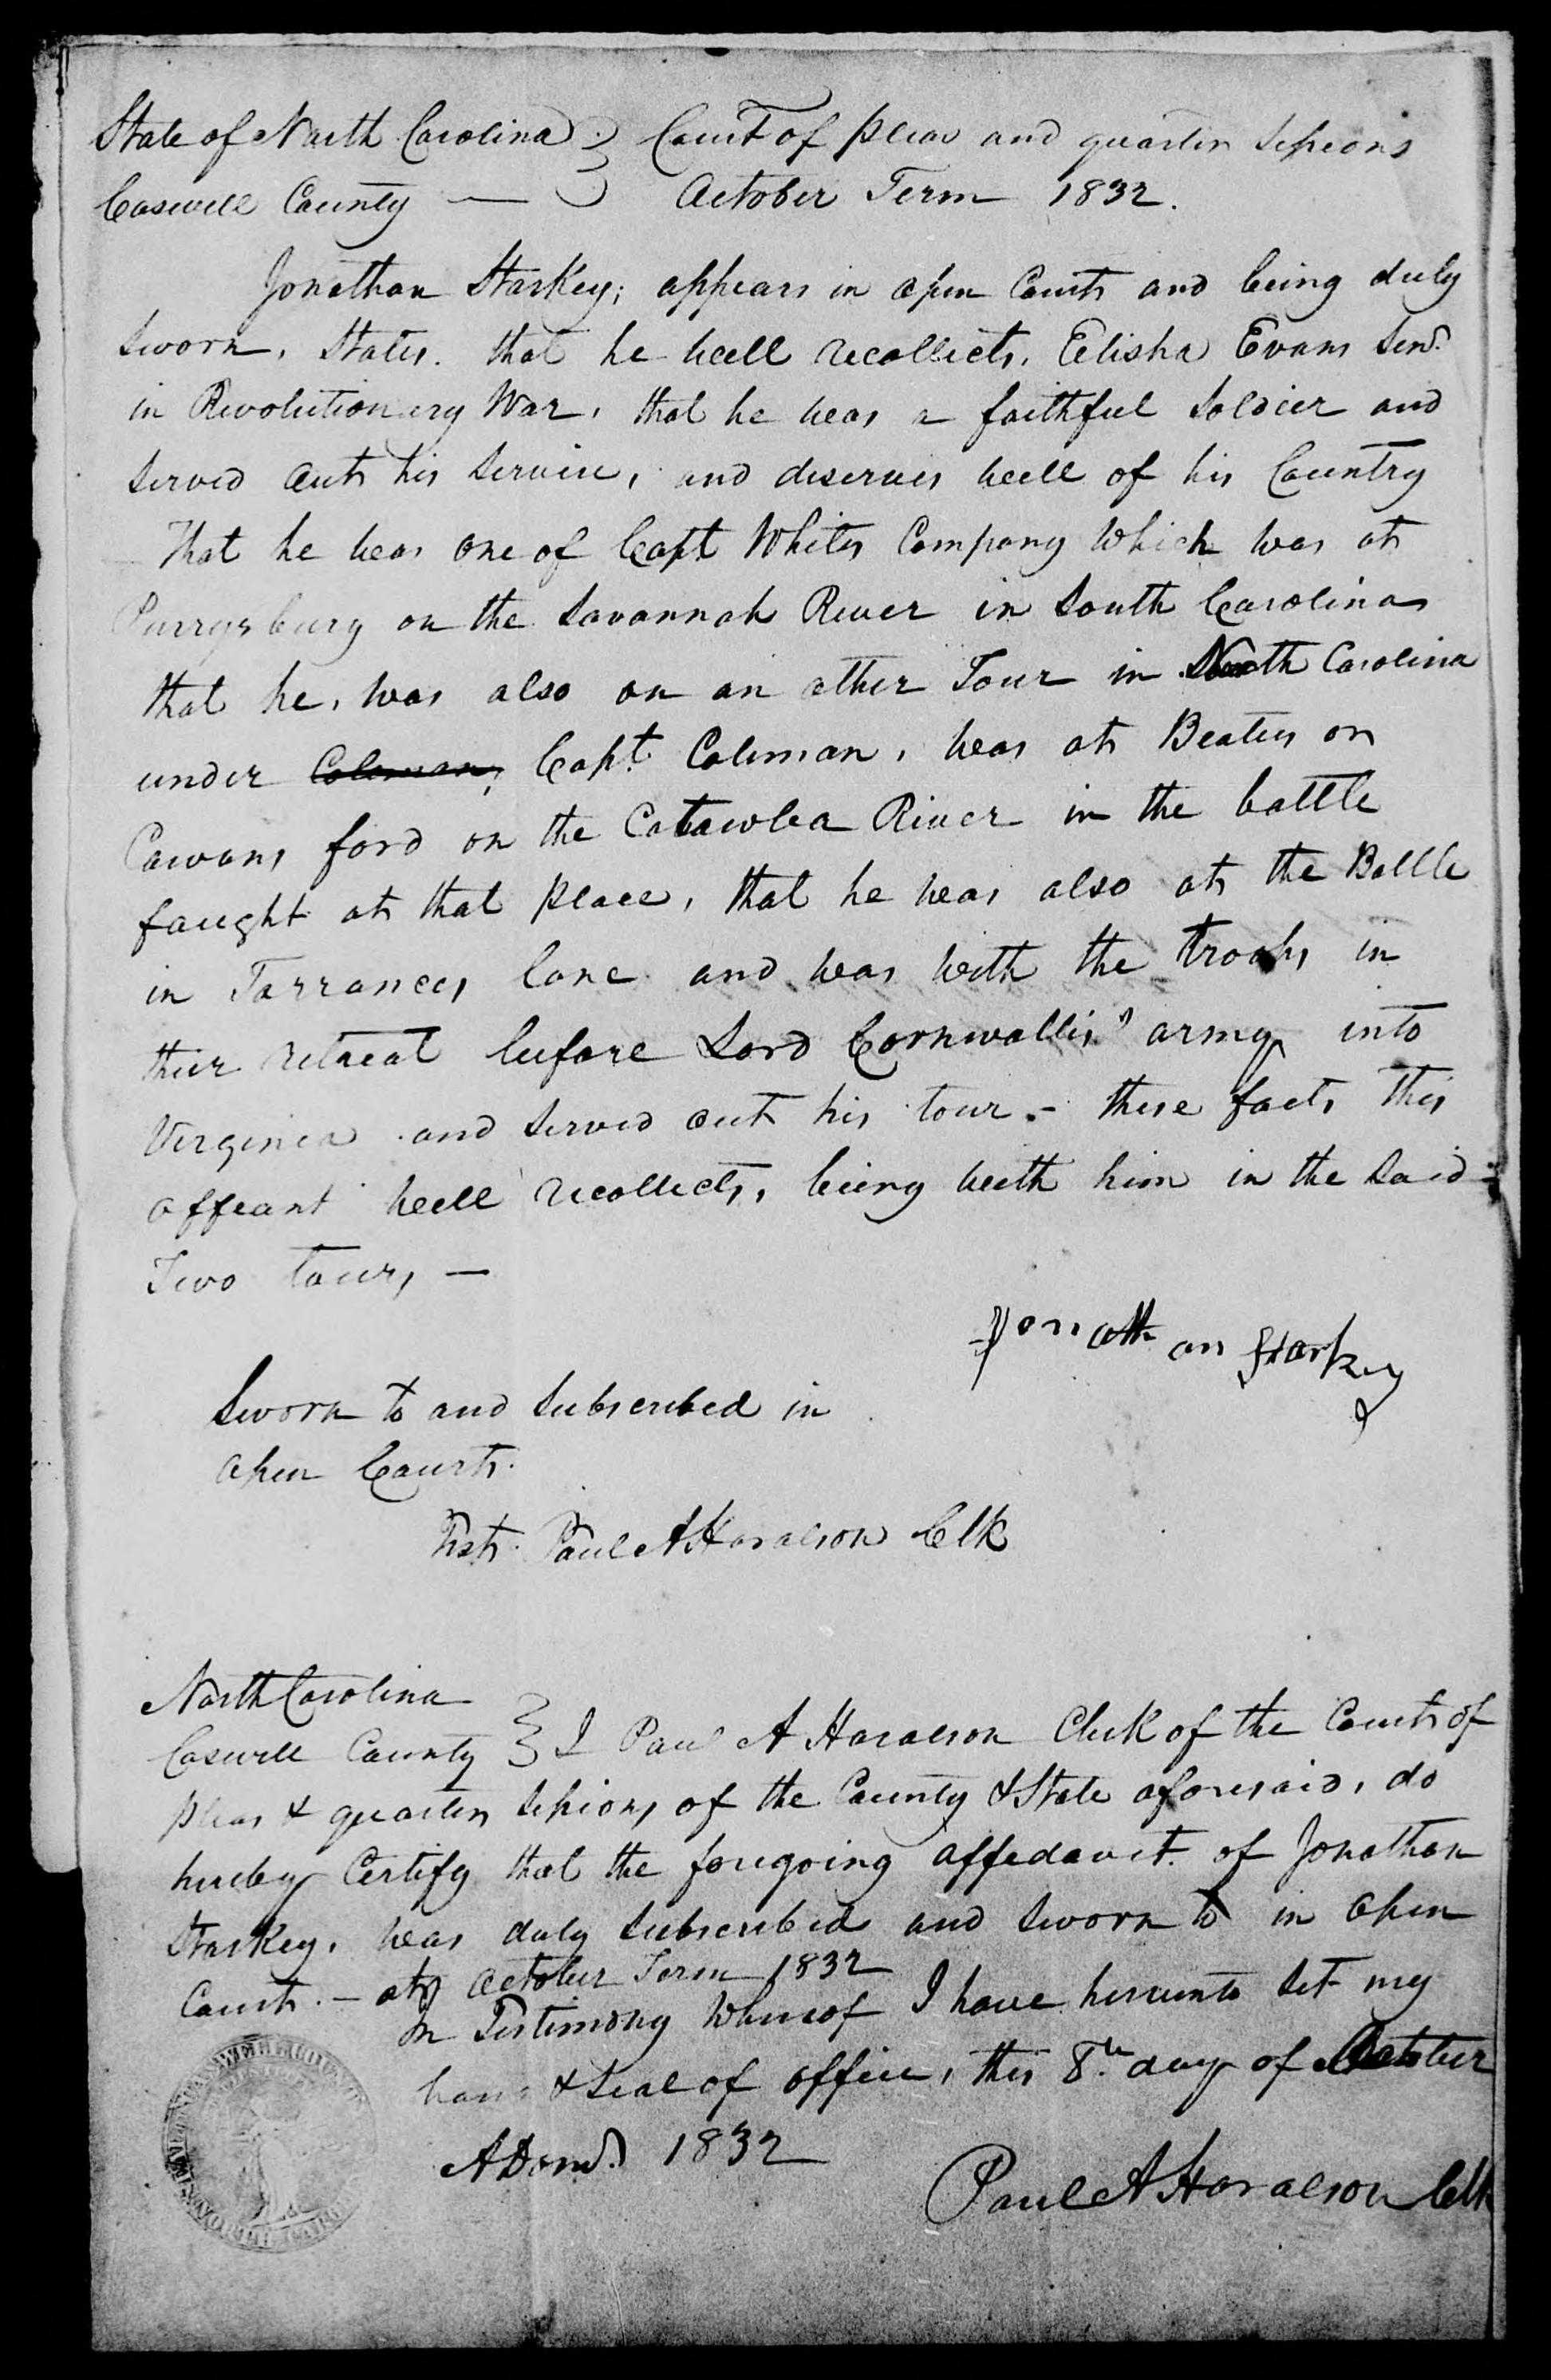State of North Carolina
Caswell County} Court of pleas and quarter Sessions October Term 1832

Jonathan Starkey, appears in open Court and being duly sworn, states that he well recollects, Elisha Evans Senr in Revolutionary War, that he was a faithful soldier and served out his service, and deserves well of his Country.
That he was one of Capt Whites Company which was at Purrysbury on the Savannah River in South Carolina that he was also on an other tour in North Carolina under Col Capt Coleman, was at Battle of Cowans ford on the Catawba River in the battle fought at that place, that he hear also at the Battle in Torrance lane and was with the troops in
their retreat before Lord Cornwallis army into
Virginia and served out his tour. these facts this affiant will recollects, being with him in the said Two tours-

Jonathan Starkey

Sworn to and subscribed in Open Court
Test. Paul A Haralson Clk


North Carolina
Caswell County} I Paul A Haralson Clerk of the Court of Pleas & quarter Sessions of
 the County & State aforesaid, do hereby certify that the foregoing affidavit of Jonathan
Starkey, was duly subscribed and sworn to in open Court at October Term 1832
In Testimony whereof I have hereunto set my
hand & seal of office, this 8th day of October AD 1832

Paul A Haralson Clk

[Image of a seal, round, containing image of Lady Justice, CASWELL COUNTY NORTH CAROLINA]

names: Coleman, Jonathan Starkey, Elisha Evans, Jonathan Starkey, Paul A Haralson, Paul A Haralson, Jonathan Starkey, Paul A Haralson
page: 29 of 29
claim: survivor's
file: S. 6830, Elisha Evans, N.C.